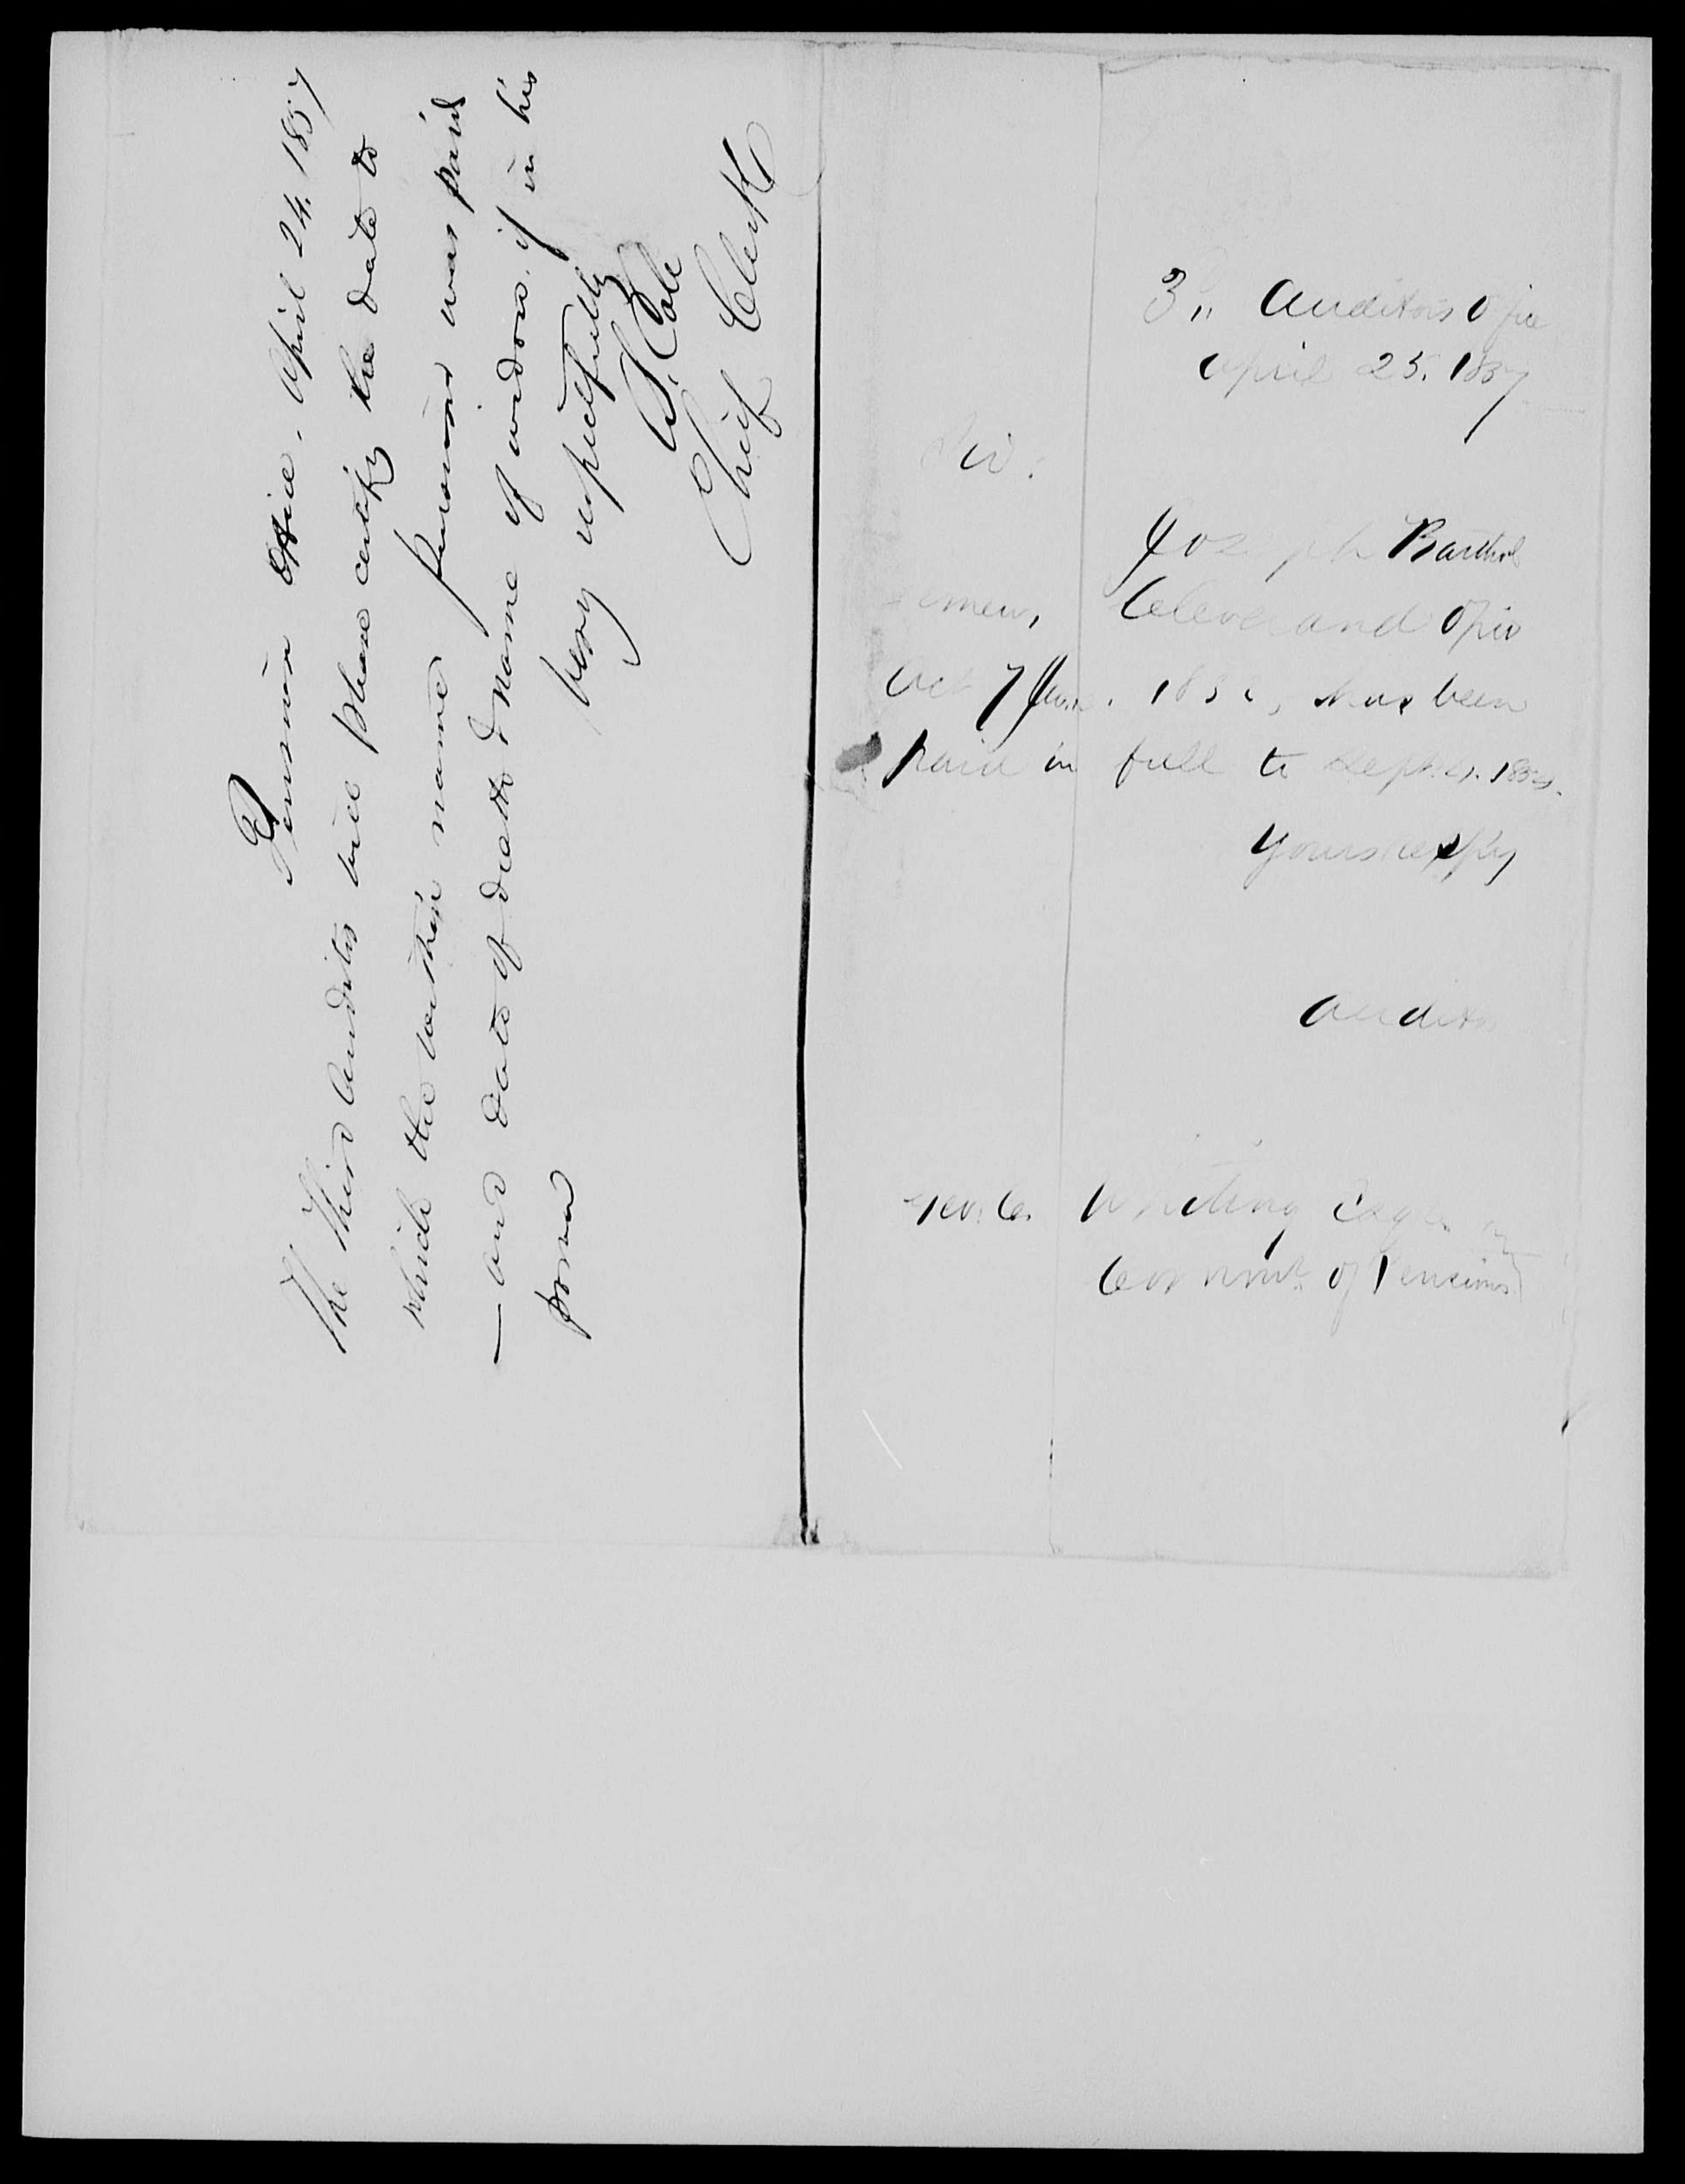Pension Office, April 24, 1857
The third auditors will please certify the date to which the within named pensioners were paid - and date of
death and name of widow
Very Respectfully
S. Cole
Chief Clerk

3 " Auditors Office
April 25, 1837
Joseph Barthol
Cleveland Ohio
Act 7 June 1838, has been
paid in full to Sept. 1837
Yours respfly
Auditors
Rev C Whiting Esq
Commr of Pensions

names: S Cole, Joseph Barthol, Geo C Whiting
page: 24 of 76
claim: widow's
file: W. 9345, Joseph Bartholomew, Conn.